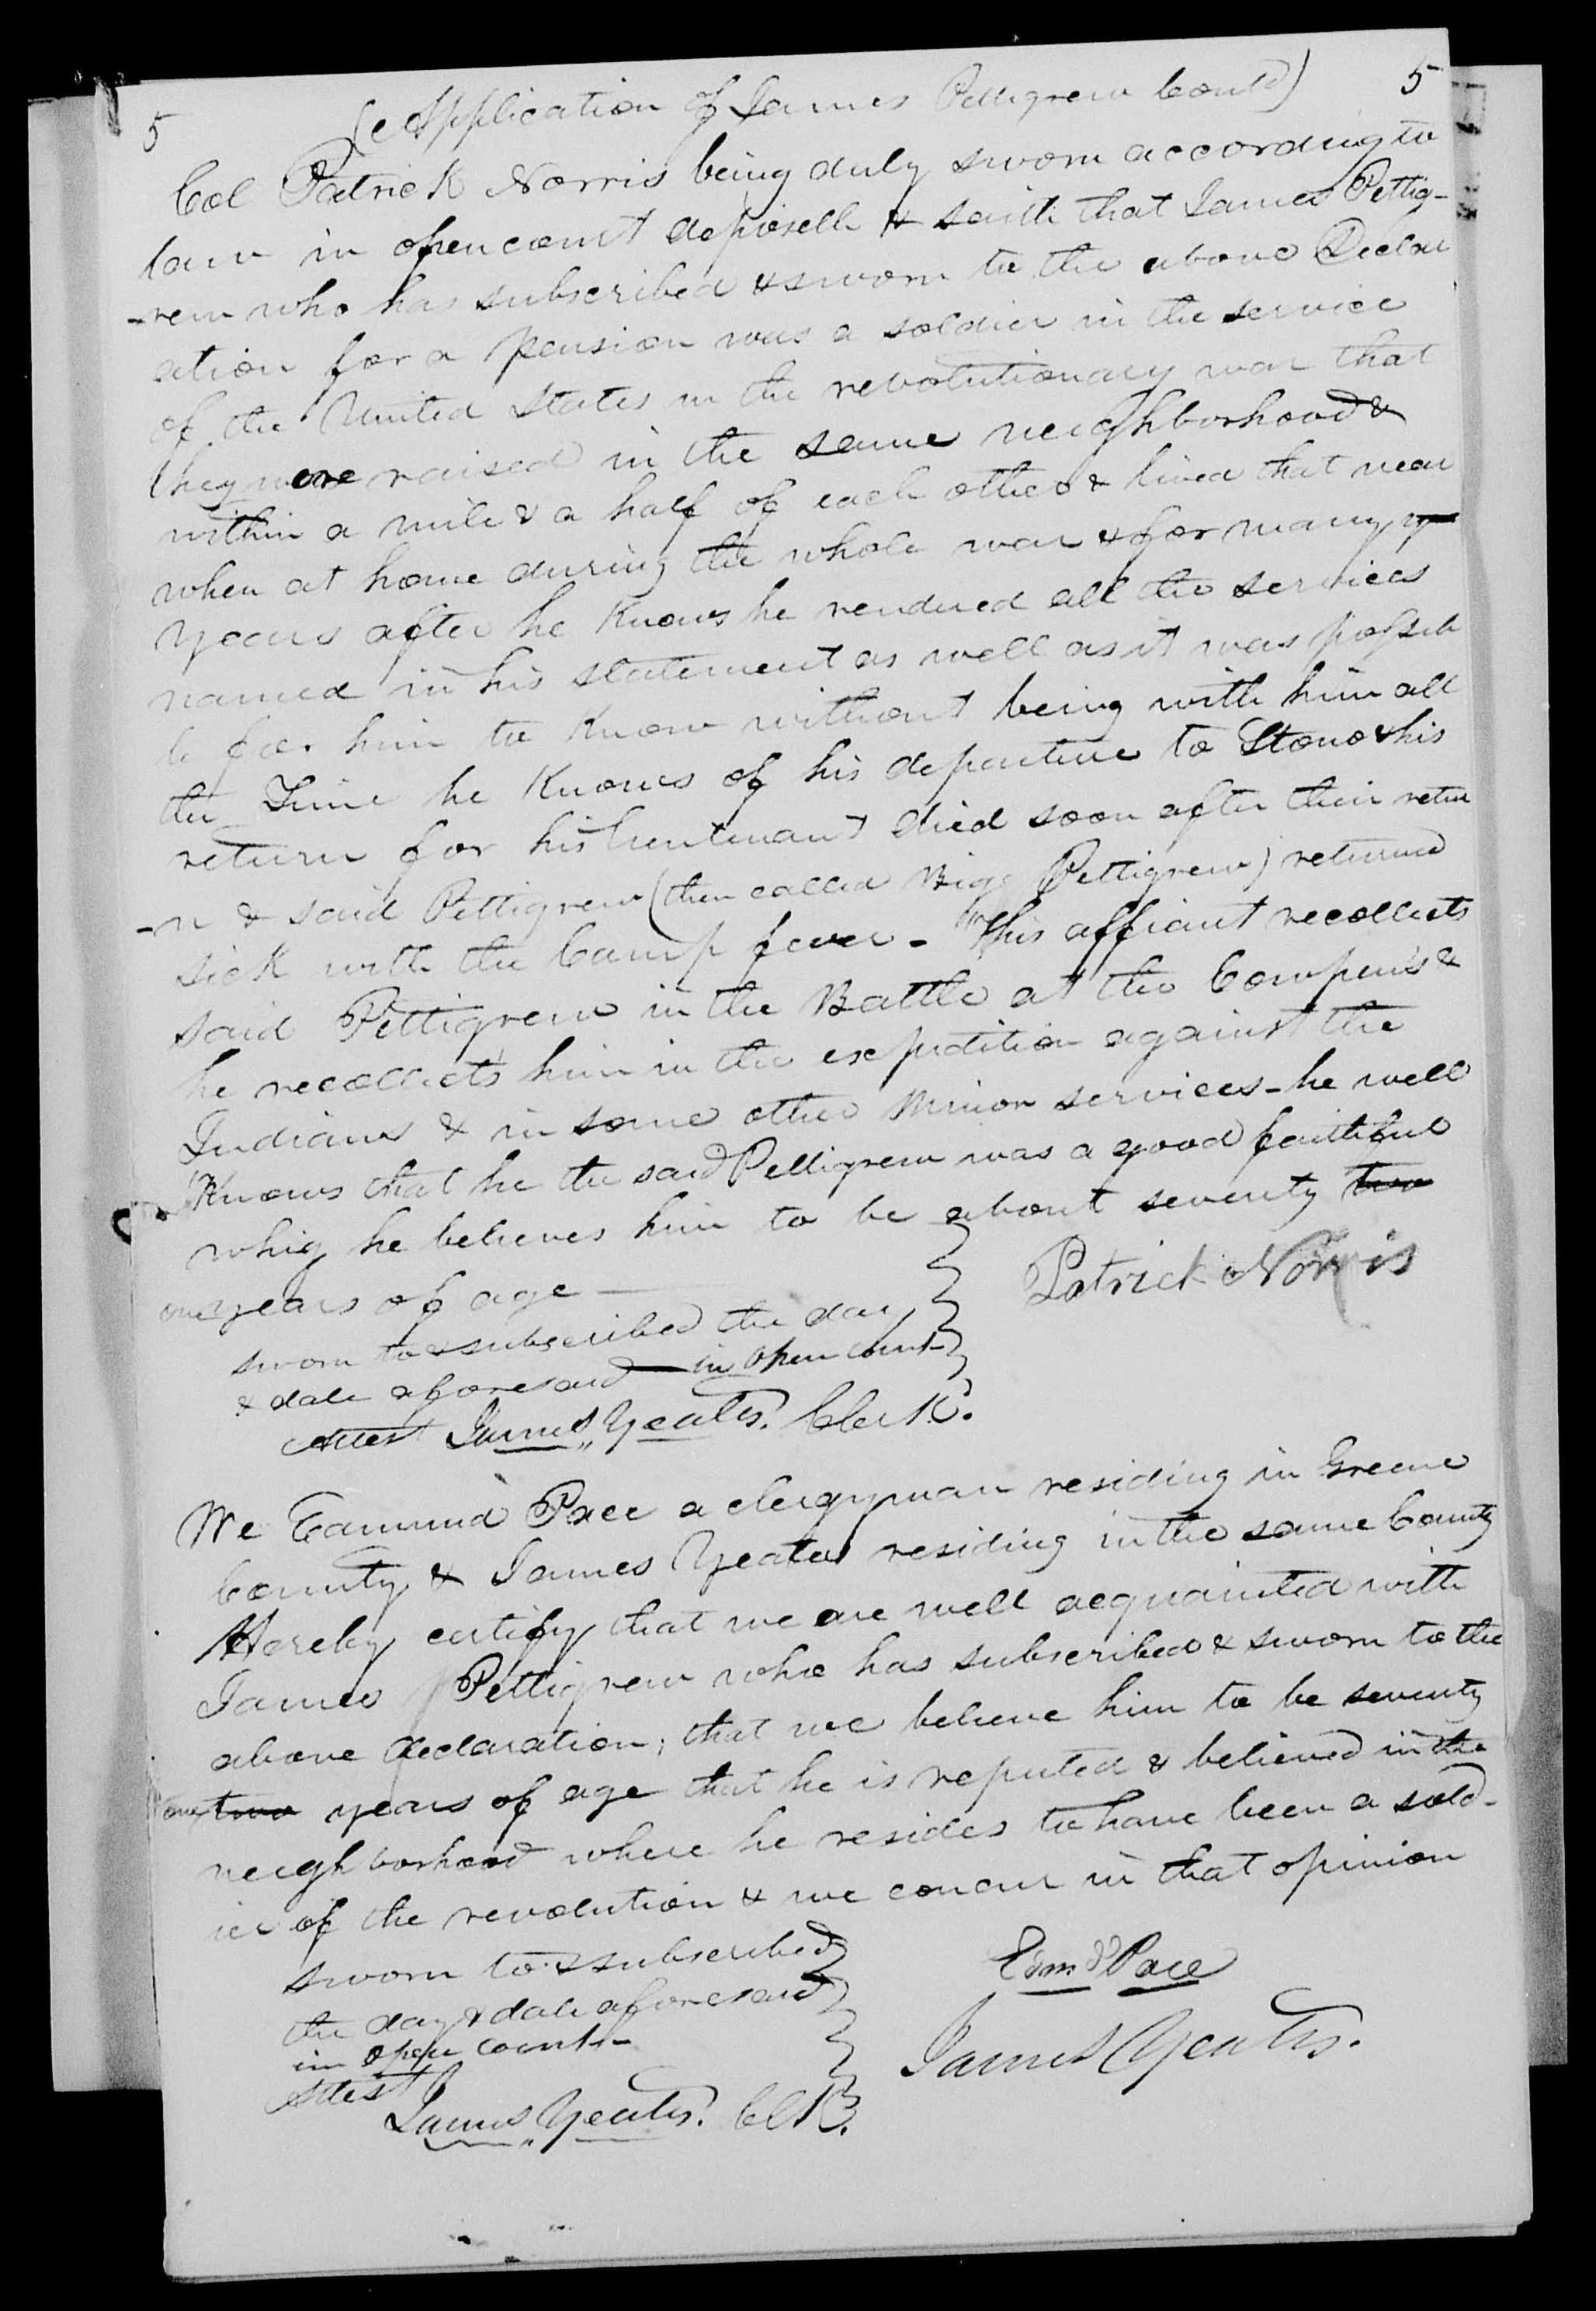5                                                                          5
(Application James Pettigrew cont)
Col Patrick Norris being duly sworn according to
law in open court deposeth & saith that James Pettig
-rew who has subscribed & sworn to the above Declar
ation for a pension was a soldier in the service
of the United States in the revolutionary war that
they were raised in the same neighborhood
within a mile & a half of each other & lived that near
when at home during the whole war & for many
years after he knows he rendered all the services
named in his statement as well as it was proper
for him to know without being with him all
the time  he knows of his departure to stono his
return for his lieutinant died soon after their return
& said Pettigrew (then called Wig Pettigrew) returned
sick with the camp fever. This afficant recollects
said Pettigrew in the Battle at the Compens &
he recollects him in the expedition against the
Indians & in some other minor services, he well
knows that he the said Pettigrew was a good faithful
whig he believes him to be about seventy
one years of age-
                                                       Patrick Norris
Sworn to & subscribed the day
& date aforesaid in open court
Attest
James Yeates, Clerk


We Edmund Pace a clergyman residing in Greene
County & James Yeates residing in the same County
hereby certify that we are well acquainted with
James Pettigrew who has subscribed & sworn to the
above declaration; that we believe him to be seventy
one years of age that he is reputed & believed in the
neighborhood where he resides to have been a sold-
ier of the revolution & we concur in that opinion

Sworn to & subscribed                  Edmd Pace
the day & date aforesaid              James Yeates.
in open court - 
Attest 
James Yeates, Clk.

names: Edmund Pace; [BLANK] Pettigrew; Patrick Norris; James Yeates; James Pettigrew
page: 23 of 92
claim: widow's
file: W. 5522, for James Pettigrew, South Carolina